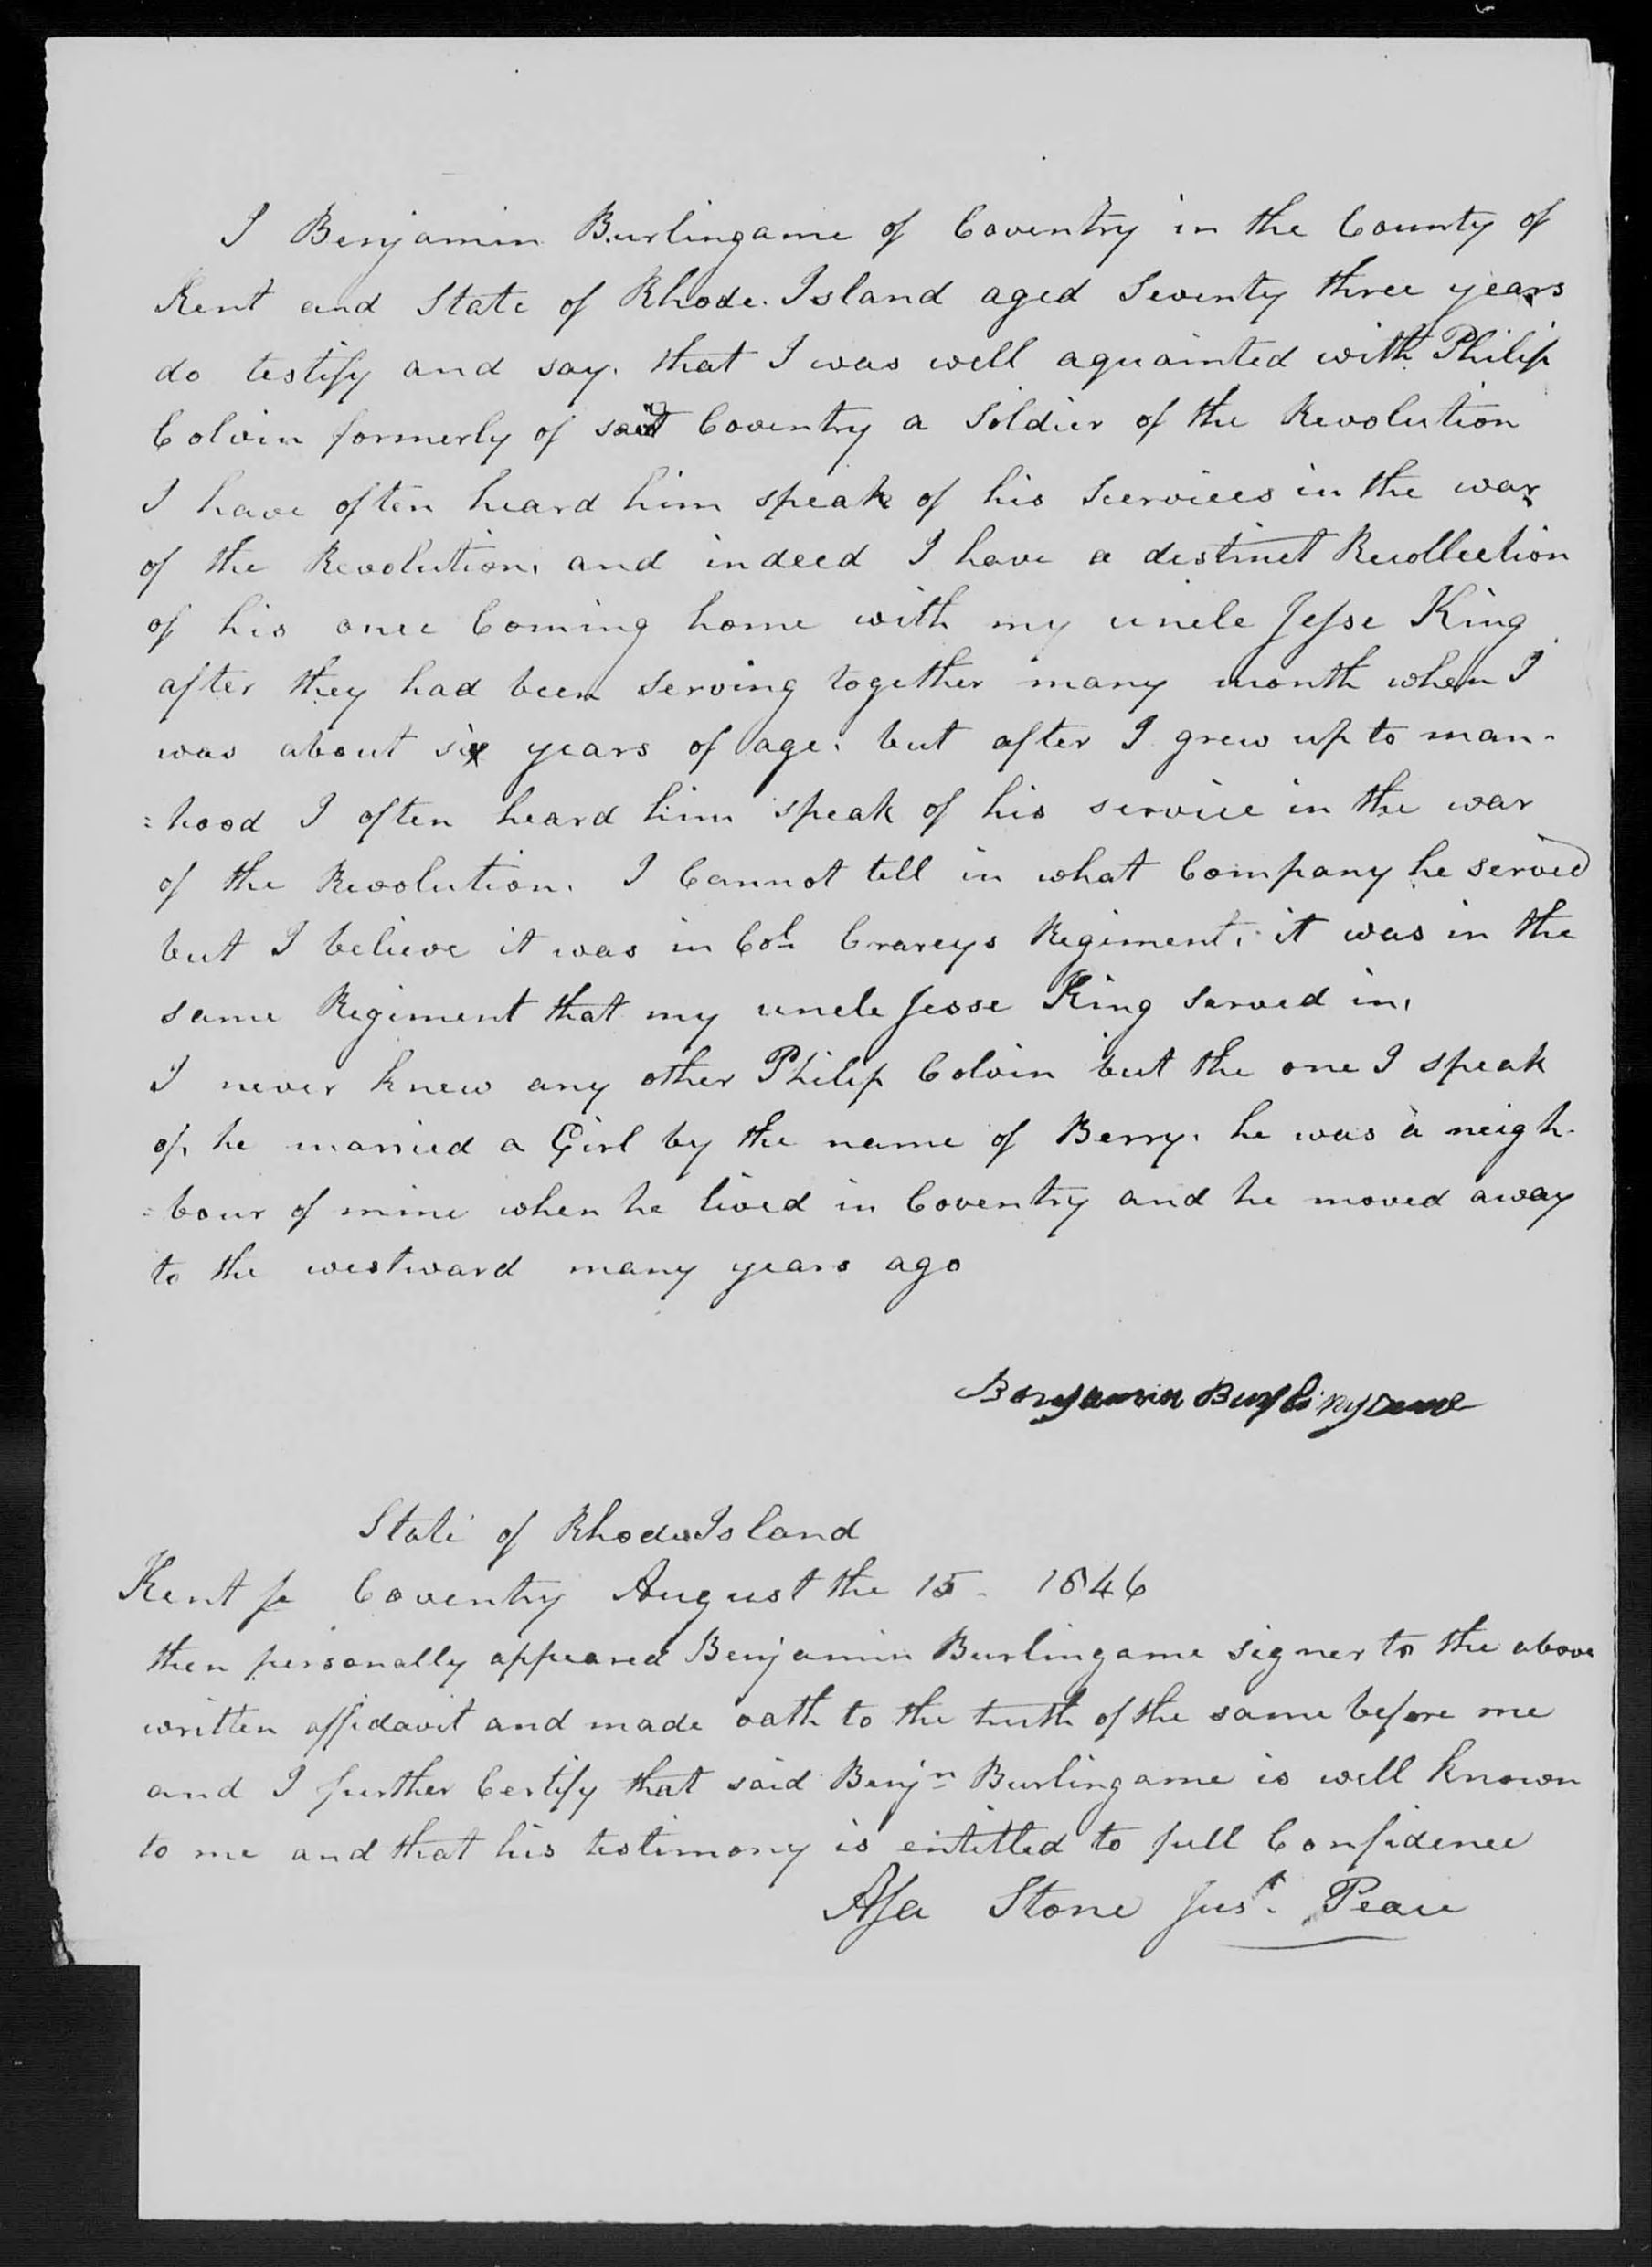I Benjamin Burlingame of Coventry in the county of Kent and state of Rhode Island aged seventy three years do testify and say that I was well aquainted with Philip Colvin formerly of said Coventry a soldier of the Revolution. I have often heard him speak of his services in the war of the Revolution and in deed I have a distinct recollection of his once coming home with my uncle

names: Jesse King, Berry, Philip Colvin, Benjamin Burlingame, Jesse King, Benjamin Burlingame, Philip Colvin, Asa Stone, Benjn Burlingame, Benjamin Burlingame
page: 36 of 41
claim: widow's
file: W. 3513, Philip Colvin, R.I.